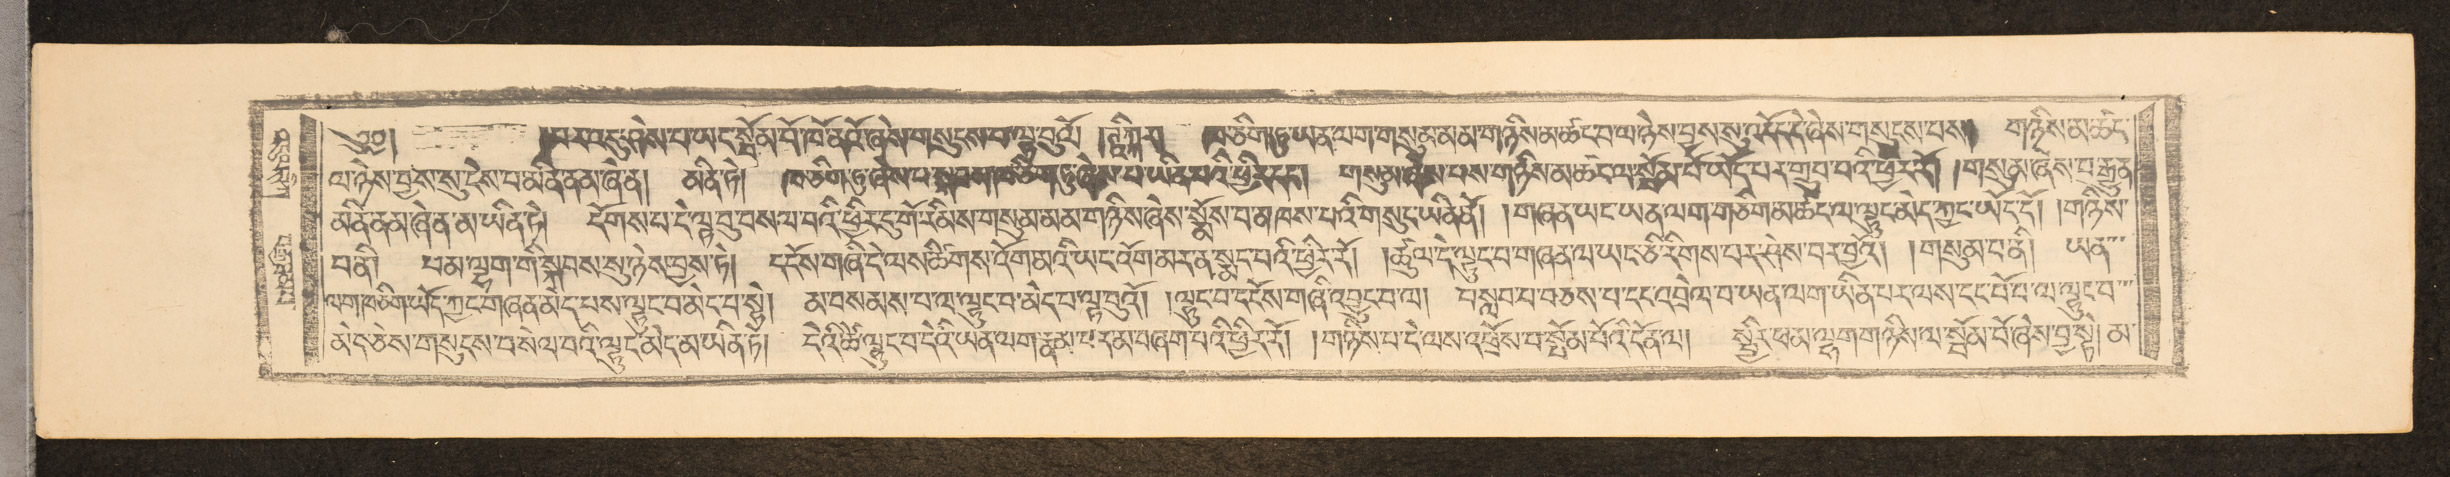༄༅། །པར་འདུ་ཤེས་པ་ཡང་སྦོམ་པོ་ཁོ་ནའོ་ཞེས་གསུངས་པ་ལྟ་བུའོ་།ཊཱིཀྐར། ཁ་ཅིག་ཏུ་ཡན་ལག་གསུམ་མམ་གཉིས་མ་ཚང་བ་ལ་ཉེས་བྱས་སུ་འདོད་དེ་ཞེས་གསུངས་པས། གཉིས་མ་ཚང་
ལ་ཉེས་བྱས་སུ་ངེས་པ་མིན་ནམ་ཞེ་ན། མིན་ཏེ། ཁ་ཅིག་ཏུ་ཞེས་པ་སྐབས་ཁ་ཅིག་ཏུ་ཞེས་པ་ཡིན་པའི་ཕྱིར་དང་། གསུམ་ཞེས་པས་གཉིས་མ་ཚང་ལ་སྦོམ་པོ་ཡོད་པར་གྲུབ་པའི་ཕྱིར་རོ། །གསུམ་ཞེས་པ་རྒྱུན་
མིན་ནམ་ཞེ་ན་མ་ཡིན་ཏེ། དོགས་པ་དེ་ལྟ་བུ་བསལ་བའི་ཕྱིར་དུ་གོ་རིམས་གསུམ་མམ་གཉིས་ཞེས་སྨོས་པ་མཁས་པའི་གསུང་ཡིན་ནོ། །གཞན་ཡང་ཡན་ལག་གཅིག་མ་ཚང་ལ་ལྟུང་མེད་ཀྱང་ཡོད་དོ། །གཉིས་
པ་ནི། པམ་ལྷག་གི་སྐབས་སུ་ཉེས་བྱས་ཏེ། དངོས་གཞི་དེ་ལས་ཚིགས་འོག་མའི་ཡང་འོག་མར་ན་སྨད་པའི་ཕྱིར་རོ། །ཚུལ་དེ་ལྟུང་བ་གཞན་ལ་ཡང་ཅི་རིགས་པར་ཤེས་པར་བྱའོ། །གསུམ་པ་ནི། ཡན་
ལག་ཁ་ཅིག་ཡོད་ཀྱང་གཞན་མེད་པས་ལྟུང་བ་མེད་པ་སྟེ། མ་བསམས་པ་ལ་ལྟུང་བ་མེད་པ་ལྟ་བུའོ། །ལྟུང་བ་དངོས་གཞི་འབྱུང་བ་ལ། བསླབ་པ་བཅས་པ་དང་འབྲེལ་བ་ཡན་ལག་ཡིན་པར་ལས་དང་པོ་པ་ལ་ལྟུང་བ་
མེད་ཅེས་གསུངས་བསེལ་བའི་ལྟུང་མེད་མ་ཡིན་ཏེ། དེའི་ཚེ་ལྟུང་བ་དེའི་ཡན་ལག་རྣམ་པར་མ་བཞག་པའི་ཕྱིར་རོ། །གཉིས་པ་དེ་ལས་འཕྲོས་པ་སྦོམ་པོའི་དོན་ལ། སྤྱིར་ཕམ་ལྷག་གཉིས་ལ་སྦོམ་པོ་ཞེས་བྱ་སྟེ། མ་